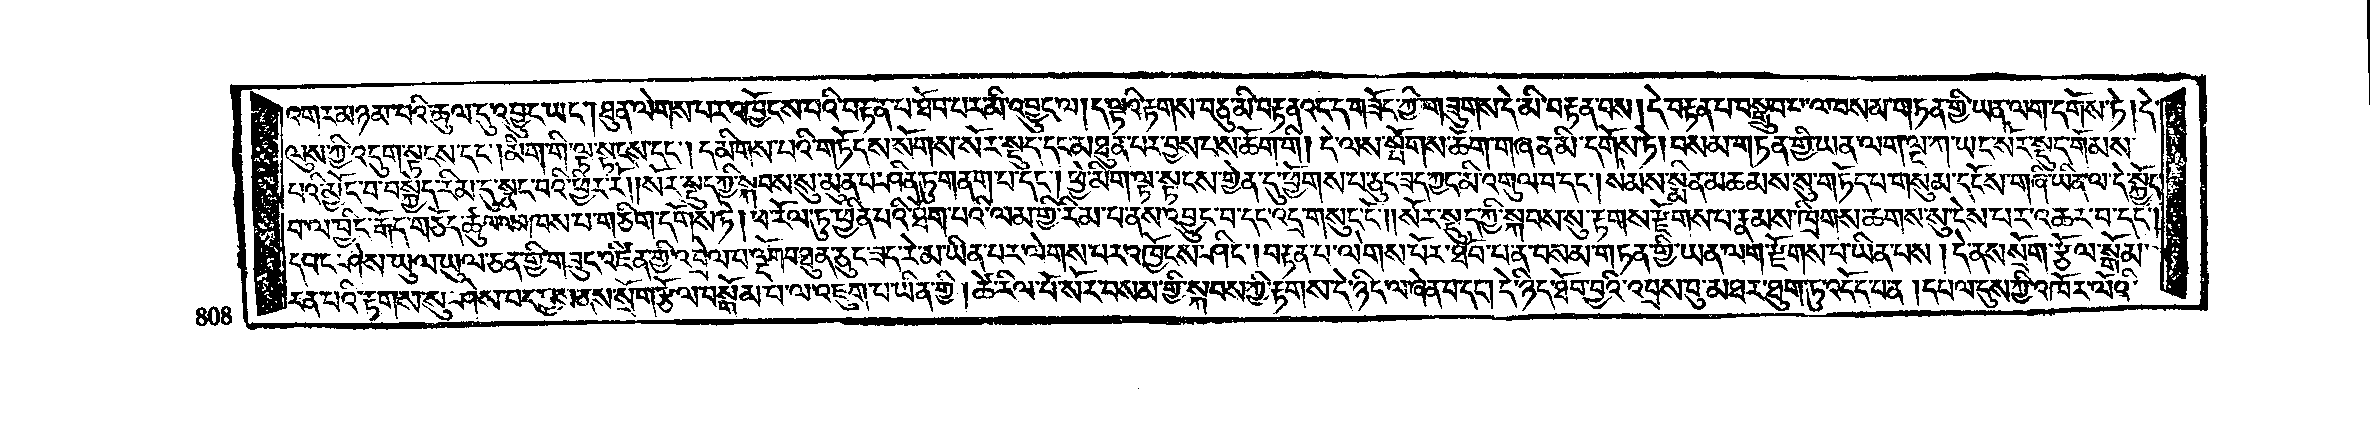འགར་མཉམ་པའི་ཆུལ་དུ་འབྱུང་ཡང་། ཐུན་ལེགས་པར་འཁྱོངས་པའི་བརྟན་པ་ཐོབ་པར་མི་འབྱུང་ལ། ད་ལྟའི་རྟགས་བཅུ་མི་བརྟན་འང་ད་གཟོད་ཀྱི་གཟུགས་དེ་མི་བརྟན་པས། དེ་བརྟན་པ་བསྒྲུབ་པ་ལ་བསམ་གཏན་གྱི་ཡན་ལག་དགོས་ཏེ། དེ་
ལུས་ཀྱི་འདུག་སྟངས་དང་། མིག་གི་ལྟ་སྟོངས་དང་། དམིགས་པའི་གཏོད་ས་སོགས་སོར་སྡུད་དང་མཐུན་པར་བྱས་པས་ཆོག་གི། དེ་ལས་སྤོགས་ཆོག་གཞན་མི་དགོས་ཏེ། བསམ་གཏན་གྱི་ཡན་ལག་ལྔ་ཀ་ཡང་སོར་སྡུད་གོམས་
པའི་མྱོང་བ་བསྐྱེད་རིམ་དུ་སྣང་བའི་ཕྱིར་རོ། །སོར་སྡུད་ཀྱི་སྐབས་སུ་མུན་པ་ཤིན་ཏུ་གནག་པ་དང་། ཕྱེ་མིག་ལྟ་སྟངས་གྱེན་དུ་ཕྱོགས་པ་ཅུང་ཟད་ཀྱང་མི་འགུལ་བ་དང་། སེམས་སྨིན་མཚམས་སུ་གཏོད་པ་གསུམ་དངོས་གཞི་ཡིན་ལ་དེ་སྐྱོད་
པ་ལ་བྱིང་རྒོད་གཅོད་ཚུལ་ལ་མཁས་པ་གཅིག་དགོས་ཏེ། ཕ་རོལ་ཏུ་ཕྱིན་པའི་ཐོག་པའི་ལམ་གྱི་རིམ་པ་ནས་འབྱུང་བ་དང་འདྲ་གསུང་ངོ། །སོར་སྡུད་ཀྱི་སྐབས་སུ་རྟགས་རྫོགས་པ་རྣམས་ཁྲིགས་ཆགས་སུ་ངེས་པར་འཆར་བ་དང་།
དབང་ཤེས་ཡུལ་ཡུལ་ཅན་གྱི་གཟུང་འཛིན་གྱི་འབྲེལ་པ་ལྡོག་པ་ཐུན་ཅུང་ཟད་རེ་མ་ཡིན་པར་ལེགས་པར་འཁྱོངས་ཤིང་། བརྟན་པ་ལེགས་པོར་ཐོབ་པ་ན་བསམ་གཏན་གྱི་ཡན་ལག་རྫོགས་པ་ཡིན་པས། དེ་ནས་སྲོག་རྩོལ་སྒོམ་
རན་པའི་རྟགས་སུ་ཤེ་སྤར་བྱས་ནས་སྲོག་རྩོལ་བསྒོམ་པ་ལ་འཇུག་པ་ཡིན་གྱི་།ཚེ་རིལ་པོ་སོར་བསམ་གྱི་སྐབས་ཀྱི་རྟགས་དེ་ཉིད་ལ་ཞེན་པ་དང་། དེ་ཉིད་ཐོབ་བྱའི་འབྲས་བུ་མཐར་ཐུག་ཏུ་འདོད་པ་ན། དཔལ་དུས་ཀྱི་འཁོར་ལོའི་